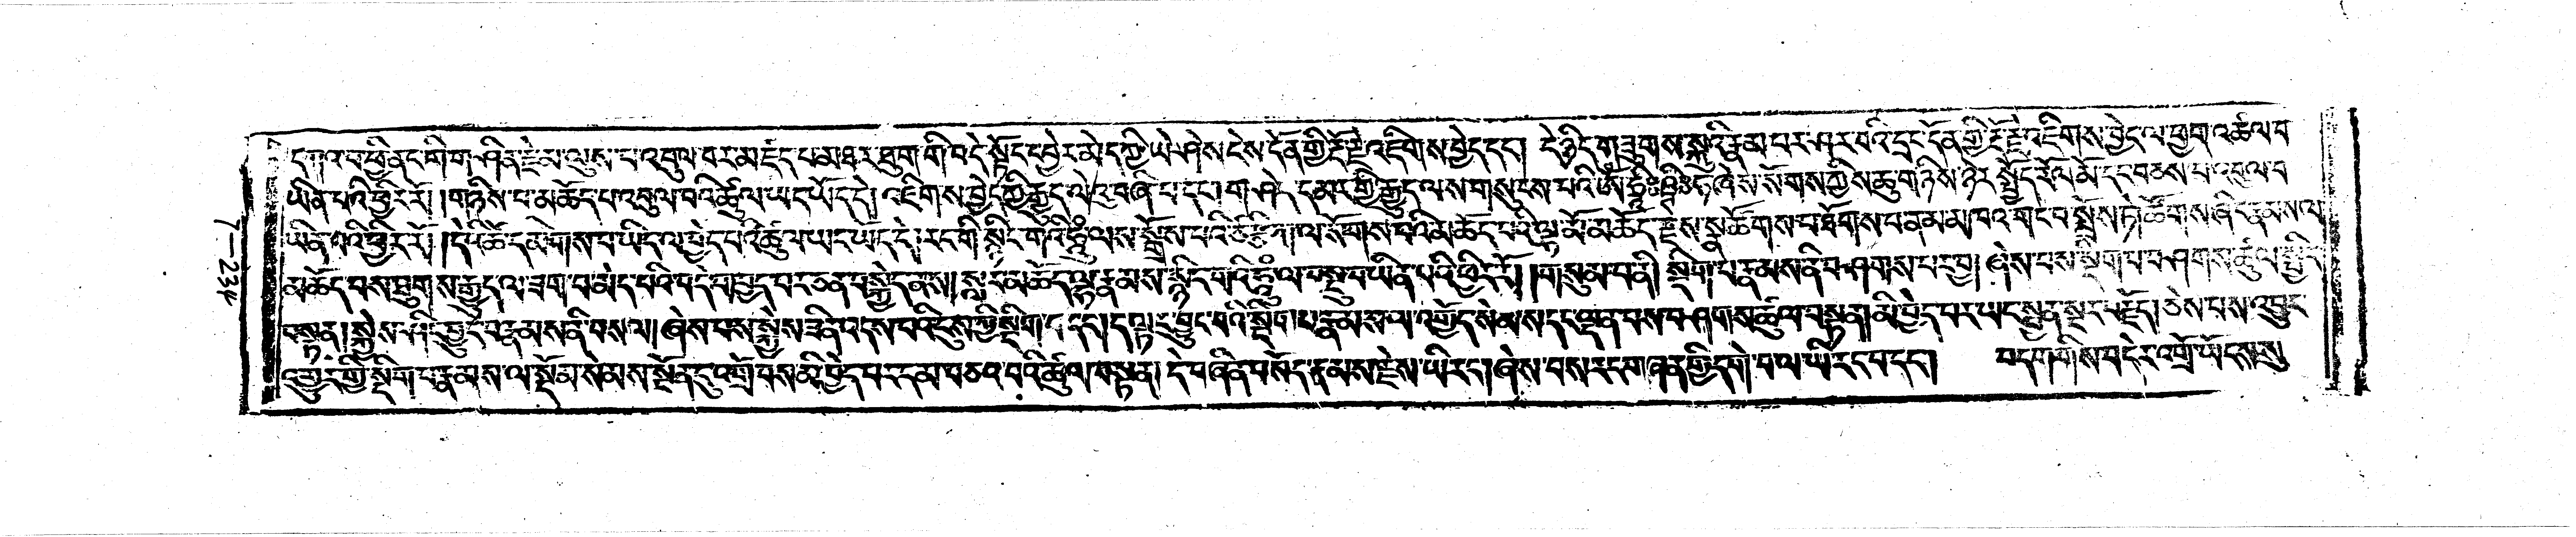དཀའ་བ་ཕྱི་ནང་གི་གཤིན་རྗེ་མ་ལུས་པ་འདུལ་བར་མཛད་པ་མཐར་ཐུག་གི་བདེ་སྟོང་དབྱེར་མེད་ཀྱི་ཡེ་ཤེས་ངེས་དོན་གྱི་རྡོ་རྗེ་འཇིགས་བྱེད་དང་། དེ་ཉིད་གཟུགས་སྐུའི་རྣམ་པར་ཤར་བའི་དྲང་དོན་གྱི་རྡོ་རྗེ་འཇིགས་བྱེད་ལ་ཕྱག་འཚལ་བ་
ཡིན་པའི་ཕྱིར་རོ། །གཉིས་པ་མཆོད་པ་འབུལ་བའི་ཚུལ་ཡང་ཡོད་དེ། འཇིགས་བྱེད་ཀྱི་རྒྱུད་ལེའུ་བཞི་པ་དང་། གཤེད་དམར་གྱི་རྒྱུད་ལས་གསུངས་པའི་ཨོཾ་ཧྲཱིཿ ཥྜཱིཿ ཧ་ཞེས་སོགས་ཀྱིས་ཆུ་གཉིས་ཉེར་སྤྱོད་རོལ་མོ་དང་བཅས་པ་འབུལ་བ་
ཡིན་པའི་ཕྱིར་རོ། །དེའི་ཚེ་དམིགས་པ་ཡིད་ལ་བྱེད་པའི་ཚུལ་ཡང་ཡོད་དེ། རང་གི་སྙིང་གའི་ཧཱུཾ་ལས་སྤྲོས་པའི་ཙ་རྩི་ཀ་ལ་སོགས་པའི་མཆོད་པའི་ལྷ་མོ་མཆོད་རྫས་སྣ་ཚོགས་པ་ཐོགས་པ་ནམ་མཁའ་གང་བ་སྤྲོས་ཏེ། ཚོགས་ཞིང་རྣམས་ལ་
མཆོད་པས་ཐུགས་རྒྱུད་ལ་ཟག་པ་མེད་པའི་བདེ་བ་ཁྱད་པར་ཅན་བསྐྱེད་ནས། སླར་མཆོད་ལྷ་རྣམས་སྙིང་གའི་ཧཱུཾ་ལ་བསྡུ་བ་ཡིན་པའི་ཕྱིར་རོ། །གསུམ་པ་ནི། སྡིག་པ་རྣམས་ནི་བཤགས་པར་བྱ། ཞེས་བས་སྡིག་པ་བཤགས་ཚུལ་སྤྱིར་
བསྟན། སྐྱེས་ཤིང་བྱུང་བ་རྣམས་ནི་བསལ། ཞེས་པས་སྐྱེས་ཟིན་འདས་པའི་དུས་ཀྱི་སྡིག་པ་དང་། ད་ལྟར་བྱུང་བའི་སྡིག་པ་རྣམས་ལ་འགྱོད་སེམས་དང་ལྡན་པས་བཤགས་ཚུལ་བསྟན། མི་བྱེད་པར་ཡང་སྤྱན་སྔར་བརྗོད། ཅེས་པས་འབྱུང་
འགྱུར་གྱི་སྡིག་པ་རྣམས་ལ་སྡོམ་སེམས་སྔོན་དུ་འགྲོ་བས་མི་བྱེད་པར་དམ་བཅའ་པའི་ཚུལ་བསྟན། དེ་བཞིན་བསོད་རྣམས་རྗེས་ཡི་རང་། ཞེས་པས་རང་གཞན་གྱི་དགེ་བ་ལ་ཡི་རང་བ་དང་། བདག་གིས་བདེར་འགྲོ་ཡོངས་སུ་